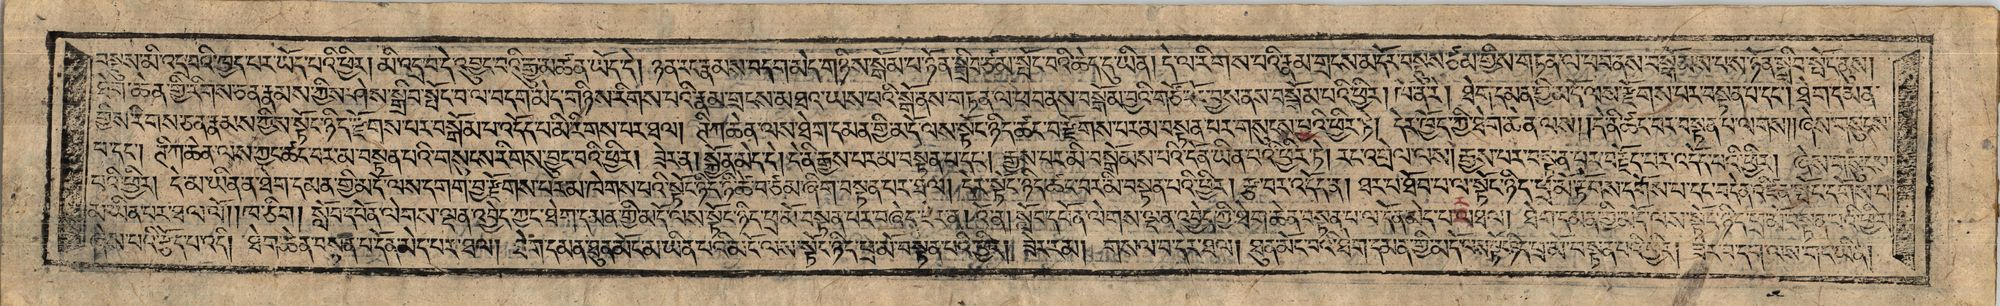བསྡུས་མེ་འདྲ་བའི་ཁྱད་པར་ཡོད་པའི་ཕྱིར། མི་འདྲ་བ་དེ་འབྱུང་བའི་རྒྱུ་མཚན་ཡོད་དེ། ཉན་རང་རྣམས་བདག་མེད་གཉིས་སྒོམ་པ་ཉོན་སྒྲིབ་ཙམ་སྤོང་བའི་ཆེད་དུ་ཡིན། དེ་ལ་རིགས་པའི་རྣམ་གྲངས་མདོར་བསྡུས་ཙམ་གྱིས་བསྟན་ལ་ཕབ་ནས་བསྒོམས་པས་ཉོན་སྒྲིབ་སྤོང་ནུས།
ཐེག་ཆེན་གྱི་རིགས་ཅན་རྣམས་ཀྱིས་ཤེས་སྒྲིབ་སྤོང་བ་ལ་བདག་མེད་གཉིས་རིགས་པའི་རྣམ་གྲངས་མཐའ་ཡས་པའི་སྒོ་ནས་གཏན་ལ་ཕབ་ནས་བསྒོམ་བྱའི་གཙོ་བོར་བྱས་ནས་བསྒོམ་པའི་ཕྱིར། ཁོ་ན་རེ། ཐེག་དམན་གྱི་མདོ་ལས་རྫོགས་པར་བསྟན་པ་དང་། ཐེག་དམན་
གྱི་རིགས་ཅན་རྣམས་ཀྱིས་སྟོང་ཉིད་རྫོགས་པར་བསྒོམ་པ་འདོད་པ་མི་རིགས་པར་ཐལ། ཊཱིཀཆེན་ལས་ཐེག་དམན་གྱི་མདོ་ལས་སྟོང་ཉིད་ཚང་བ་རྫོགས་པར་མ་མ་བསྟན་པར་གསུངས་པའི་ཕྱིར་ཏེ། དེར་ཁྱོད་ཀྱི་ཐེག་ཆེན་ལས། །དེ་ནི་ཚད་བར་བསྟན་པ་ལགས། །ཞེས་གསུངས་
པ་དང་། ཊཱིཀཆེན་ལས་ཀྱང་ཚང་བར་མ་བསྟན་པའི་གསུངས་རིགས་བྱུང་བའི་ཕྱིར། ཟེར་ན། སྐྱོན་མེད་དེ། དེ་ནི་རྒྱས་པར་མ་བསྟན་པ་དང་། རྒྱས་པར་མི་བསྒོམས་པའི་དོན་ཡིན་པའི་ཕྱིར་ཏེ། རང་འགྲེལ་ལས། རྒྱས་པར་བསྟན་པར་བརྗོད་པར་འདོད་པའི་ཕྱིར། ཞེས་གསུངས་
པའི་ཕྱིར། དེ་མ་ཡིན་ན་ཐེག་དམན་གྱི་མདོ་ལས་དགག་བྱ་རྟོགས་པར་མ་ཁེགས་པའི་སྟོང་ཉིད་ཉི་ཚེ་བ་ཙམ་ཞིག་བསྟན་པར་ཐལ། དེར་སྟོང་ཉིད་ཚང་བར་མི་བསྟན་པའི་ཕྱིར། རྩ་བར་འདོད་ན། ཐར་པ་ཐོབ་པ་ལ་སྟོང་ཉིད་ཕྲ་མོ་རྟོགས་དགོས་པ་དང་བདེན་འཛིན་སྟོང་དགོས་པ་
མ་ཡིན་པར་ཐལ་ལོ། །ཁ་ཅིག །སློབ་དཔོན་ལེགས་ལྡན་འབྱེད་ཀྱང་ཐེག་དམན་གྱི་མདོ་ལས་སྟོང་ཉིད་ཕྲ་མོ་བསྟན་པར་བཞེད་ཟེར་ན། འོ་ན། སློབ་དཔོན་ལེགས་ལྡན་འབྱེད་ཀིཐེག་ཆེན་བསྟན་པ་ལ་དོན་མེད་པར་ཐལ། ཐེག་དམན་གྱི་མདོ་ལས། སྟོང་ཉིད་ཕྲ་མོ་བསྟན་པའི་ཕྱིར་
ཞེས་པའི་རྩོད་པ་འདི། ཐེག་ཆེན་བསྟན་པ་དོན་མེད་པར་ཐལ། ཐེག་དམན་ཐུན་མོང་མ་ཡིན་པའི་མདོ་ལས་སྟོང་ཉིད་ཕྲ་མོ་བསྟན་པའི་ཕྱིར། ཟེར་རམ། གསལ་བ་དེར་ཐལ། ཐུན་མོང་བའི་ཐེག་དམན་གྱི་མདོ་ལས་སྟོང་ཉིད་ཕྲ་མོ་བསྟན་པའི་ཕྱིར། ཟེར་བ་དག་ལས་གང་ཡིན།